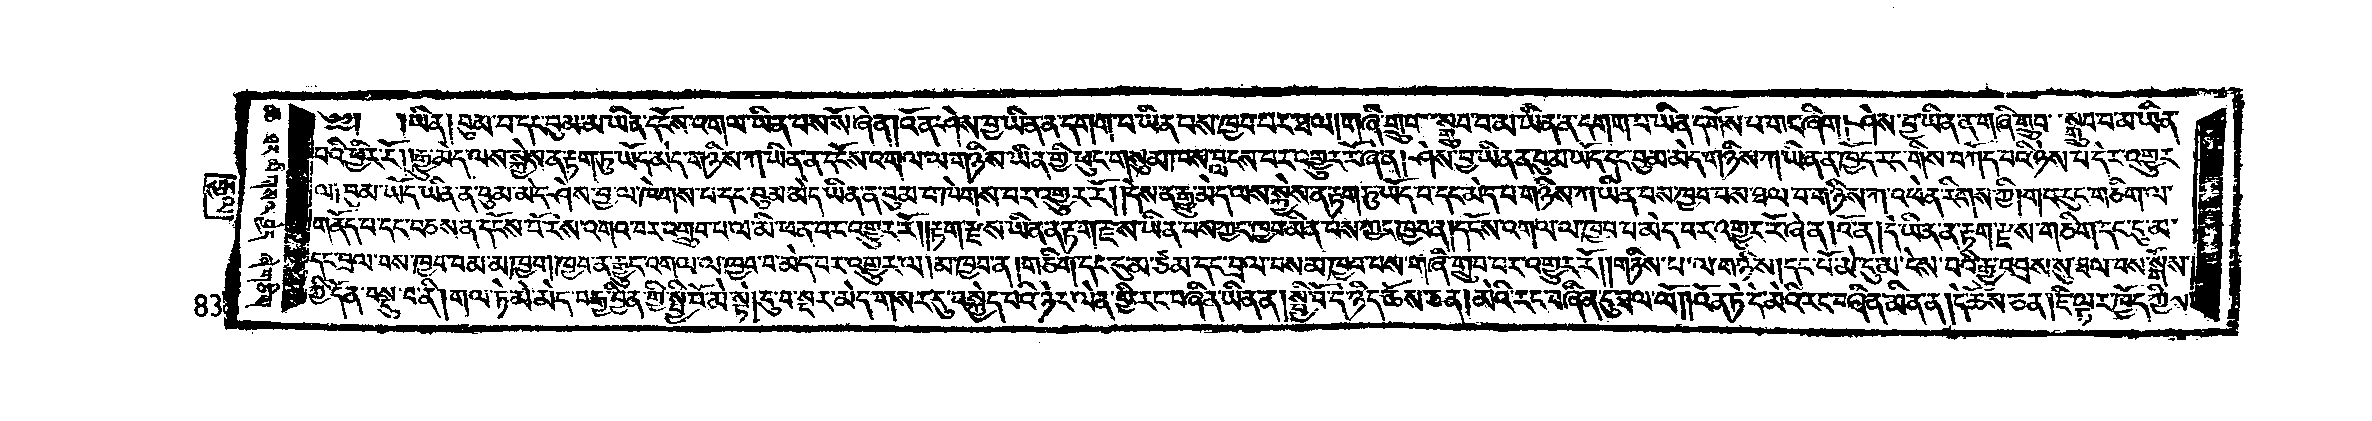༄༅། །ཡིན༑ བུམ་པ་དང་བུམ་མ་ཡིན་དངོས་འགལ་ཡིན་པས་སོ་ཞེ་ན། འོ་ན་ཤེས་བྱ་ཡིན་ན་དགག་པ་ཡིན་པས་ཁྱབ་པར་ཐལ། གཞི་གྲུབས་སྒྲུབ་པ་མ་ཡིན་ན་དགག་པ་ཡིན་དགོས་པ་གང་ཞིག། ཤེས་བྱ་ཡིན་ན་གཞི་གྲུབ་སྒྲུབ་པ་མ་ཡིན་
པའི་ཕྱིར་རོ། །རྒྱུ་མེད་ལས་སྐྱེས་ན་རྟག་ཏུ་ཡོད་མེད་གཉིས་ཀ་ཡིན་ན་དངོས་འགལ་ལ་གཉིས་ཡིན་གྱི་ཕུང་གསུམ་ཁས་བླངས་བར་འགྱུར་རོ་ཞེ་ན། ཤེས་བྱ་ཡིན་ན་བུམ་ཡོད་དང་བུམ་མེད་གཉིས་ཀ་ཡིན་ན་ཁྱོད་རང་གིས་བཀོད་པའི་ཉེས་པ་དེར་འགྱུར་
ལ། བུམ་ཡོད་ཡིན་ན་བུམ་མེད་ཤེས་བྱ་ལ་ཁེགས་པ་དང་བུམ་མེད་ཡིན་ན་བུམ་པ་ཁེགས་པར་འགྱུར་རོ། །དེས་ན་རྒྱུ་མེད་ལས་སྐྱེས་ན་རྟག་ཏུ་ཡོད་པ་དང་མེད་པ་གཉིས་ཀ་ཡིན་པས་ཁྱབ་པས་ཐལ་བ་གཉིས་ཀ་འཕེན་རིགས་ཀྱི། གབ་རུང་གཅིག་ལ་
གནོད་པ་དང་བཅས་ན་དངོས་པོ་རེས་འགའ་བར་འགྲུབ་པ་ལ་མི་ཕན་པར་འགྱུར་རོ། །རྟག་རྫས་ཡིན་ན་རྟག་རྫས་ཡིན་པས་ཀྱང་ཁྱབ་མིན་པས་ཀྱང་ཁྱབ་ན། དངོས་འགལ་ལ་ཁྱབ་པ་མེད་པར་འགྱུར་རོ་ཞེ་ན། འོ་ན། དེ་ཡིན་ན་རྟག་རྫས་གཅིག་དང་དུ་མ་
དང་བྲལ་བས་ཁྱབ་བམ་མ་ཁྱག་ཁྱབ་ན་རྒྱུད་འགལ་ལ་ཁྱབ་པ་མེད་པར་འགྱུར་ལ། མ་ཁྱབ་ན། གཅིག་དང་དུ་མ་ཙམ་དང་བྲལ་བས་མ་ཁྱབ་པས་གཞི་གྲུབ་པར་འགྱུར་རོ། །གཉིས་པ་ལ་གཉིས། དང་པོ་མེ་དུ་མ་ངེས་བའི་རྒྱུ་འབྲས་སུ་ཐལ་བས་སྒོས་
ཀྱི་དོན་བསྡུ་བ་ནི། གལ་ཏེ་མེ་མེད་བརྒྱ་བྱིན་གྱི་སྤྱི་བོ་མེ་སྟེ། དུ་བ་སྔར་མེད་གསར་དུ་བསྐྱེད་པའི་ཉེར་ལེན་གྱི་རང་བཞིན་ཡིན་ན། སྤྱི་བོ་དེ་ཉིད་ཆོས་ཅན། མེའི་རང་བཞིན་དུ་ཐལ་ལོ། །འོན་ཏེ་དེ་མེའི་རང་བཞིན་མིན་ན། དེ་ཆོས་ཅན། ཇི་ལྟར་ཁྱོད་ཀྱིས་